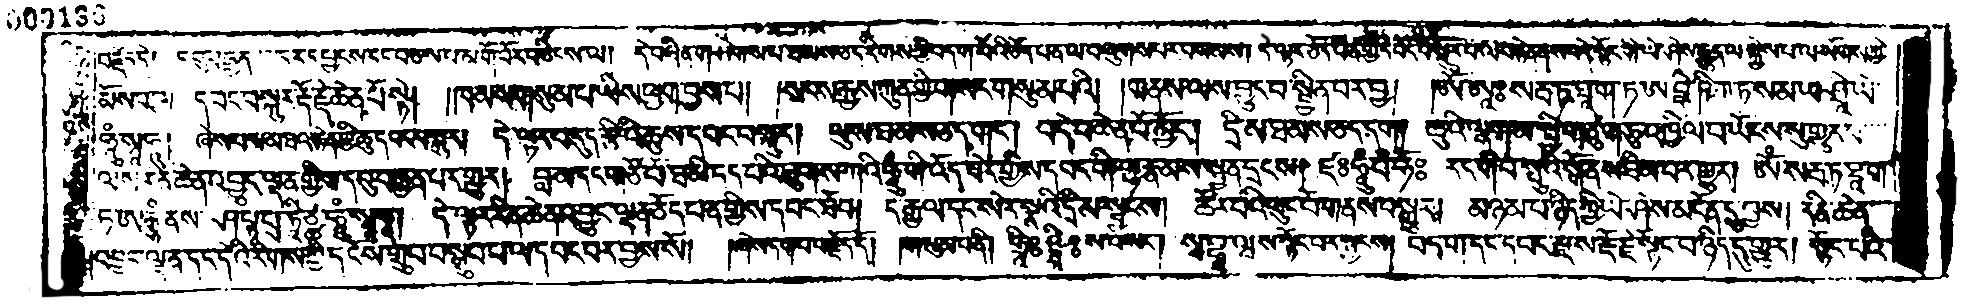བརྗོད་དེ། དབུ་བརྒྱན་དར་དབྱངས་དང་བཅས་པ་མགོ་བོར་བཅིངས་ལ། དེ་བཞིན་གཤེགས་པ་ཐམས་ཅད་རིགས་ཀྱི་བདག་པོའི་ཅོད་པན་ལ་བཞུགས་པར་བསམས། དེ་ལྟར་ཅོད་པན་གྱི་དབང་བསྐུར་པ་ལ་བརྟེན་ནས་བདེ་སྟོང་གི་ཡེ་ཤེས་རྒྱུད་ལ་སྐྱེས་པ་ལ་སོགས་ཀྱི་
མོས་པ་བྱ། དབང་བསྐུར་རྡོ་རྗེ་ཆེན་པོ་སྟེ། །ཁམས་གསུམ་པ་ཡིས་ཕྱག་བྱས་པ། །སངས་རྒྱས་ཀུན་གྱི་གསང་གསུམ་པའི། །གནས་ལས་བྱུང་བ་སྦྱིན་པར་བྱ། །ཨོཾ་ཨཱཿ སརྦ་ཏ་ཐཱ་ག་ཏ་ཨ་བྷི་ཥི་ཀ་ཏ་ས་མ་ཡ་ཤྲཱི་ཡེ་
ཧཱུཾ་སྭཱཧཱ། ཞེས་པས་མཐའ་རྟེན་གྱི་ཆུ་དབང་བསྐུར།  དེ་ལྟར་བདུད་རྩིའི་ཆུས་དབང་བསྐུར། ལུས་ཐམས་ཅད་གང་། བདེ་བ་ཆེན་པོ་མྱོང་། དྲི་མ་ཐམས་ཅད་དག །ཆུའི་ལྷག་མ་སྤྱི་གཙུག་ཏུ་འཁྱིལ་བ་ཡོངས་སུ་གྱུར་པ་
ལས་རིན་ཆེན་འབྱུང་ལྡན་གྱིས་དབུ་བརྒྱན་པར་གྱུར། བླ་མ་དང་གཙོ་བོ་ཐ་མི་དད་པའི་ཐུགས་ཀའི་ཧཱུཾ་གི་འོད་ཟེར་གྱིས་དབང་གི་ལྷ་རྣམས་སྤྱན་དྲངས། ཛཿ ཧཱུཾ་བཾ་ཧོཿ རང་གི་བ་སྤུའི་སྒོ་ནས་ཐིམ་པར་གྱུར། ཨོཾ་སརྦ་ཏ་ཐཱ་ག་
ཏ་ཨརྒྷཾ་ནས་ཤཔྟ་པྲ་ཏཱི་ཙྪ་ཧཱུཾ་སྭཱ་ཧཱ། དེ་ལྟར་རིན་ཆེན་འབྱུང་ལྡན་ཅོད་པན་གྱིས་དབང་ཐོབ། ང་རྒྱལ་དང་སེར་སྣའི་དྲི་མ་སྦྱངས། ཚོར་བའི་ཕུང་པོ་གནས་བསྒྱུར། མཉམ་པ་ཉིད་ཀྱི་ཡེ་ཤེས་མངོན་དུ་བྱས། རིན་ཆེན་
འབྱུང་ལྡན་དང་དེའི་རིགས་ཀྱི་དངོས་གྲུབ་བསྒྲུབ་པ་ལ་དབང་བར་བྱས་སོ། །ཞེས་དག་པ་བརྗོད་དོ། །གསུམ་པ་ནི།  ཧྲཱིཿ ཥྚྲཱིཿ ས་བསང་། སྭ་བྷཱ་ཝས་སྟོང་བར་སྦྱངས།  བདག་དང་དབང་རྫས་རྡོ་རྗེ་སྟོང་པ་ཉིད་དུ་གྱུར། སྟོང་པའི་